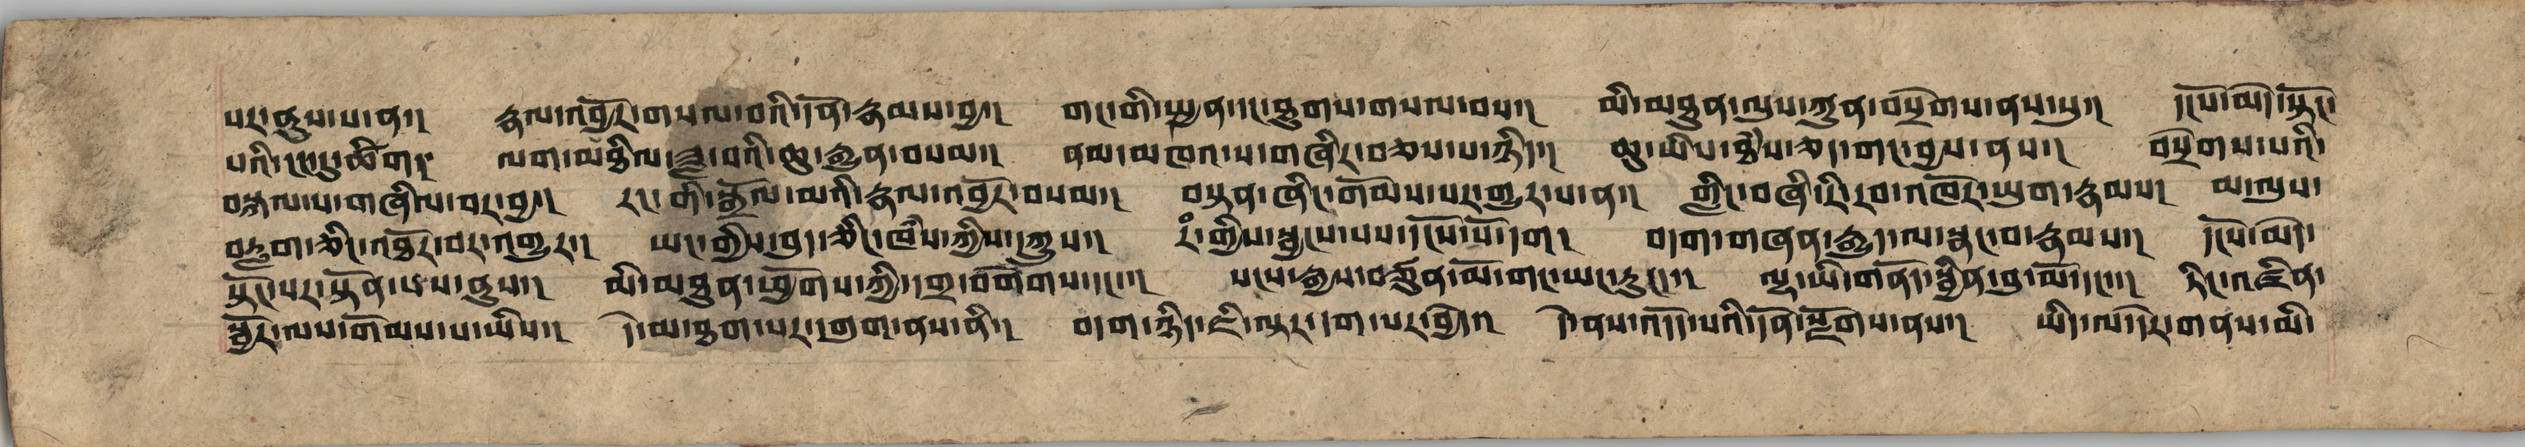པར་ནུས་པ་ན་། རྣལ་འབྱོར་གསལ་བའི་དོན་རྣམས་བྱ་། གང་གི་སྤྱན་དང་ཐུགས་གསལ་བས་། མི་མཐུན་ལུས་ཀུན་བསྲེག་ནས་སུ་། དངོས་མེད་སྟོང་
པའི་ངང་དུ་ཚིག། ལག་མཐིལ་ཟླ་བའི་ཆུ་རྒྱུན་བསམ་། ནམ་མཁའ་ས་གཞིར་བཅས་པ་ཉིད་། ཆུ་ཡིས་ཐྃས་ཅད་གང་བྱས་ནས་། བསྲེགས་པའི་
བསྐལ་པ་གཞིལ་བར་བྱ་། རང་གི་སྒྲོལ་མའི་རྣལ་འབྱོར་བསམ་། བསྟན་ཞིང་གོམས་པར་གྱུར་པ་ན་། གླིང་བཞི་རི་རབ་འཁོར་ཡུག་རྣམས་། མ་ལུས་
བརླག་ཅིང་འཐོར་བར་འགྱུར་། ཡང་གྱིས་བུད་ཅིང་ཁཾས་ཀྱིས་དཀྱུས་། རཾ་གྱིས་སྦྱངས་པས་དངོས་པོ་དག། བདག་གཞན་རྒྱུད་ལ་སྣང་བ་རྣམས་། དངོས་མེད་
སྟོང་པར་སྟོན་པས་ནུས་། མི་མཐུན་ཕྱོགས་ཀྱི་དགྲ་བགེགས་དང་་། སངས་རྒྱས་བཙུན་མོ་གང་ཡང་རུང་་། ལྷ་ཡི་གནོད་སྦྱིན་བུ་མོ་དང་་། ཏིང་འཛིན་
སྦྱོར་ལས་གོམས་པ་ཡིས་། དེ་མ་ཐག་པར་དགུག་ནས་ནི་། བདག་ཉིད་ཇི་ལྟར་དག་པར་བྱེད་། དེ་ནས་འདོད་པའི་དོན་སྫོགས་ནས་། ཡིད་ལ་དེར་གནས་མི་